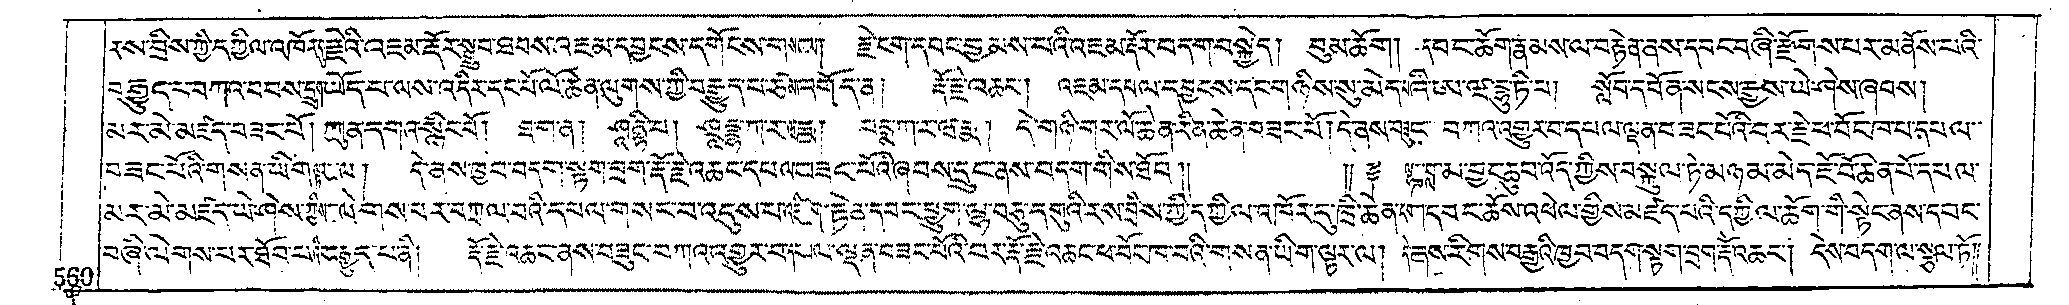རས་བྲིས་ཀྱི་དཀྱིལ་འཁོར་དུ་རྗེའི་འཇམ་རྡོར་སྒྲུབ་ཐབས་འཇམ་དབྱངས་དགོངས་གསལ། རྗེ་ངག་དབང་བྱམས་པའི་འཇམ་རྡོར་བདག་བསྐྱེད། བུམ་ཆོག། དབང་ཆོག་རྣམས་ལ་བརྟེན་ནས་དབང་བཞི་རྫོགས་པར་མནོས་པའི་
བརྒྱུད་པ་བཀའ་བབས་དྲུག་ཡོད་པ་ལས་འདིར་དང་པོ་ལོ་ཆེན་ལུགས་ཀྱི་བརྒྱུད་པ་ཙམ་འགོད་ན། རྡོ་རྗེ་འཆང་། འཇམ་དཔལ་དབྱངས་དང་གཉིས་སུ་མེད་པའི་ཨ་ཝ་དྷུ་ཏི་པ། སློབ་དཔོན་སངས་རྒྱས་ཡེ་ཤེས་ཞབས།
མར་མེ་མཛད་བཟང་པོ། ཀུན་དགའ་སྙིང་པོ། ཐག་ན། ཤཱནྟི་པ། ཤྲཱ་དྡྷ་ཀ་ར་ཝ་རྨ། པདམ་ཀ་ར་ཝ་རྨ། དེ་གཉི་གར་ལོ་ཆེན་རིན་ཆེན་བཟང་པོ། དེ་ནས་བཟུངྦྐའ་འགྱུར་བ་དཔལ་ལྡན་བཟང་པོའི་བར་རྗེ་ཕ་བོང་ཁ་པ་དཔལ་
བཟང་པོའི་གསན་ཡིག་ལྟར་ལ། དེ་ནས་ཁྱབ་བདག་སྟག་བྲག་རྡོ་རྗེ་འཆང་དཔལ་བཟང་པོའི་ཞབས་དྲུང་ནས་བདག་གིས་ཐོབ།། །། འ་ལྷ་བླ་མ་བྱང་ཆུབ་འོད་ཀྱིས་བསྐུལ་ཏེ་མཉམ་མེད་ཇོ་བོ་ཆེན་པོ་དཔལ་
མར་མེ་མཛད་ཡེ་ཤེས་ཀྱིས་ལེགས་པར་བཀྲལ་བའི་དཔལ་གསང་བ་འདུས་པ་འཇིག་རྟེན་དབང་ཕྱུག་ལྷ་བཅུ་དགུའི་རས་བྲིས་ཀྱི་དཀྱིལ་འཁོར་དུ་ཁྲི་ཆེན་ངག་དབང་ཆོས་འཕེལ་གྱིས་མཛད་པའི་དཀྱིལ་ཆོག་གི་སྟེང་ནས་དབང་
བཞི་ལེགས་པར་ཐོབ་པའི་བརྒྱུད་པ་ནི། རྡོ་རྗེ་འཆང་ནས་བཟུང་བཀའ་འགྱུར་བ་དཔལ་ལྡན་བཟང་པོའི་བར་རྡོ་རྗེ་འཆང་ཕ་བོང་ཁ་བའི་གསན་ཡིག་ལྟར་ལ། དེ་ནས་རིགས་བརྒྱའི་ཁྱབ་བདག་བྲག་རྡོ་འཆང་། དེས་བདག་ལཾ་སྩལ་ཏོ།།